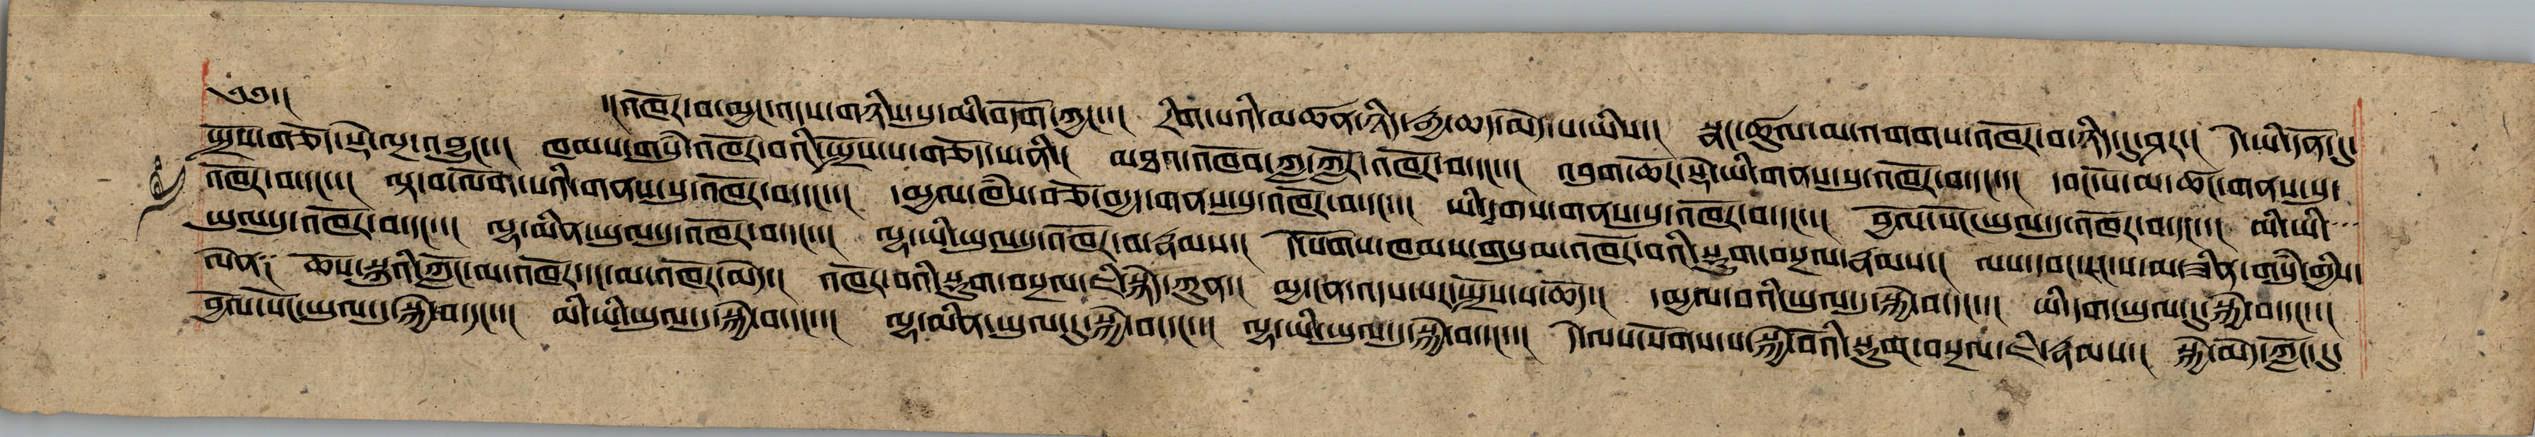༄༅་། ་།འཁོར་བ་མྱང་འདས་གཉིས་སུ་མི་བདོག་ཀྱང་་། རིག་པའི་མཚན་ཉིད་རྒྱ་ཆད་མེད་པ་ཡིས་། སྣང་ཚུལ་མ་འགགས་འཁོར་བ་ཉིད་དུ་ཤར་། དེ་ཡི་དོན་དུ་
སྤྲོས་གཅོད་སྡེ་ལྔ་འབྱུང་་། ཁམས་གསུཾ་འཁོར་བའི་སྤྲོས་པ་གཅོད་པ་ནི་། མཐའ་འཁོབ་ཀླ་ཀློར་འཁོར་བ་དང་་། འབུག་ཆོར་སྡེ་ཡི་གནས་སུ་འཁོར་བ་དང་་། དབང་པོ་མ་ཚང་གནས་སུ་
འཁོར་བ་དང་་། ལྟ་བ་ལོག་པའི་གནས་སུ་འཁོར་བ་དང་་། དམྱལ་ཁཾས་བཅོ་བདྱད་གནས་སུ་འཁོར་བ་དང་་། ཡི་དྭགས་གནས་སུ་འཁོར་བ་དང་་། བྱོལ་སོང་ཡུལ་དུ་འཁོར་བ་དང་་། མི་ཡི་
ཡུལ་དུ་འཁོར་བ་དང་་། ལྷ་མིན་ཡུལ་དུ་འཁོར་བ་དང་་། ལྷ་ཡི་ཡུལ་དུ་འཁོར་བ་རྣམས་། དེ་སོགས་ཁམས་གསུམ་འཁོར་བའི་སྡུག་བསྔལ་རྣམས་། ལས་དབང་རང་ས་མ་ཟིན་གསུཾ་གྱིས་
མེན༑ ཆོས་སྐུའི་ཀློང་མ་འཁོར་དང་མ་འཁོར་མེད་། འཁོར་བའི་སྡུག་བསྔལ་ཇི་སྙེད་ཀུན་། མྱ་ངན་འདས་པར་སྤྲོས་པ་ཆོད་། དམྱལ་བའི་ཡུལ་དུ་སྐྱེ་བ་དང་་། ཡི་དག་ཡུལ་དུ་སྐྱེ་བ་དང་་།
བྱོལ་སོང་ཡུལ་དུ་སྐྱེ་བ་དང་་། མི་ཡི་ཡུལ་དུ་སྐྱེ་བ་དང་་། ལྷ་མིན་ཡུལ་དུ་སྐྱེ་བ་དང་་། ལྷ་ཡི་ཡུལ་དུ་སྐྱེ་བ་དང་་། དེ་ལས་སོགས་པ་སྐྱེ་བོའི་སྡུག་བསྔལ་ཇི་རྣམས་། སྐྱེ་མེད་ཀློང་དུ་